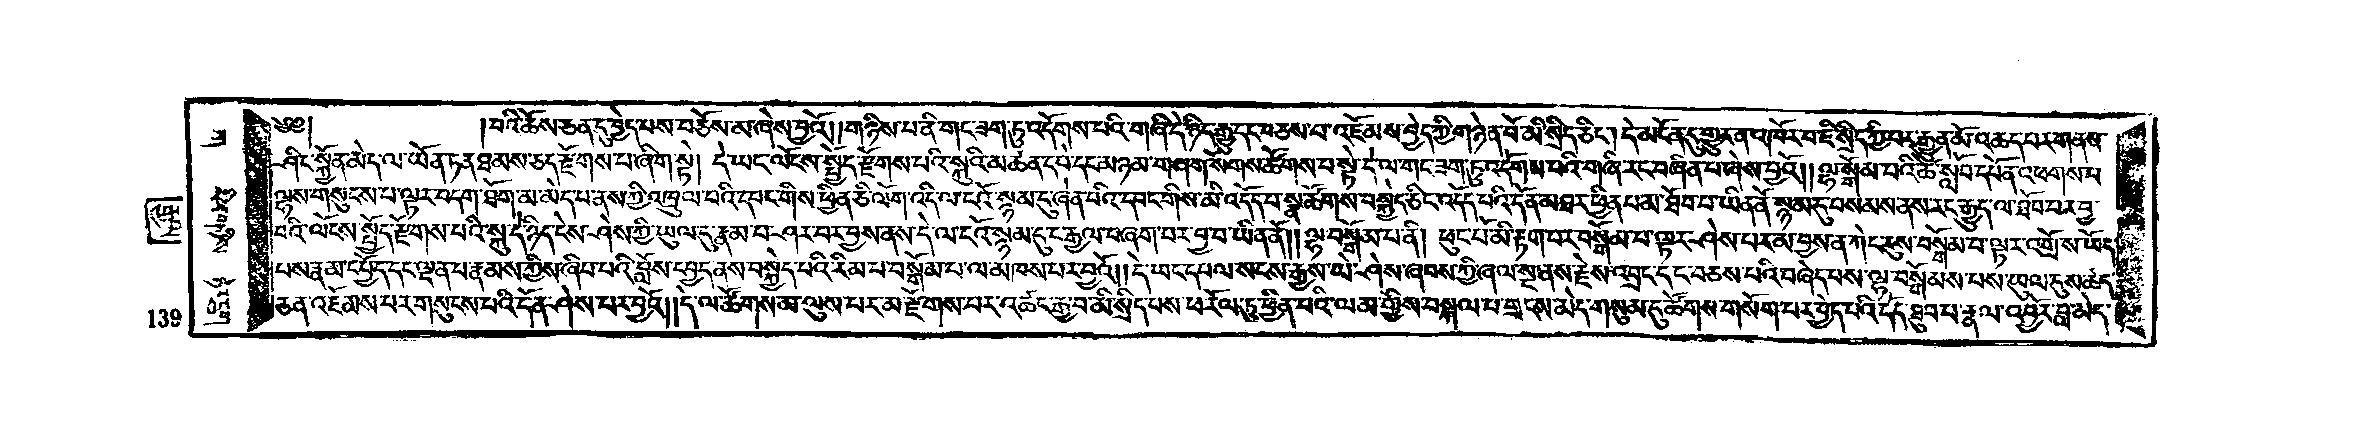༄༅། །བའི་ཆོས་ཅན་དུ་བྱེད་པས་བཅོས་མ་ཞེས་བྱའོ། །གཉིས་པ་ནི་གང་ཟག་ཏུ་འདོགས་པའི་གཞི་དེ་ཉིད་རྒྱུ་དང་བཅས་པ་འཇོམས་བྱེད་ཀྱི་གཉེན་པོ་མི་སྲིད་ཅིང་། དེ་མངོན་དུ་གྱུར་ན་འཁོར་བ་ཇི་སྲིད་ཀྱི་བར་རྒྱུན་མོ་འཆད་པར་གནས་
ཤིང་སྐྱོན་མེད་ལ་ཡོན་ཏན་ཐམས་ཅད་རྫོགས་པ་ཞིག་སྟེ། དེ་ཡང་ལོངས་སྤྱོད་རྫོགས་པའི་སྐུའི་མཚན་དཔེ་དང་མཉམ་གཞག་སོགས་ཚོགས་པ་སྟེ་དེ་ལ་གང་ཟག་ཏུ་འདོགས་པའི་གཞི་རང་བཞིན་པ་ཞེས་བྱའོ། །ལྷ་སྒོམ་པའི་ཚེ་སློབ་དཔོན་འཕགས་པ་
ལྷས་གསུངས་པ་ལྟར་བདག་ཐོག་མ་མེད་པ་ནས་ཀྱི་འཁྲུལ་པའི་དབང་གིས་ཕྱིན་ཅི་ལོག་འདི་ལ་ངའོ་སྙམ་དུ་ཞེན་པའི་དབང་གིས་མི་འདོད་པ་སྣ་ཚོགས་བསྐྱེད་ཅིང་འདོད་པའི་དོན་མཐར་ཕྱིན་པ་མ་ཐོབ་པ་ཡིན་ནོ་སྙམ་དུ་བསམས་ནས་རང་རྒྱུད་ལ་ཐོབ་པར་བྱ་
བའི་ལོངས་སྤྱོད་རྫོགས་པའི་སྐུ་དེ་ཉིད་ངེས་ཤེས་ཀྱི་ཡུལ་དུ་རྣམ་པ་ཤར་བར་བྱས་ནས་དེ་ལ་ངའོ་སྙམ་དུ་ང་རྒྱལ་བཞག་པར་བྱ་བ་ཡིན་ནོ། །ལྷ་བསྒོམ་པ་ནི། ཕུང་པོ་མི་རྟག་པར་བསྒོམ་པ་ལྟར་ཤེས་པར་མ་བྱས་ན་ཀེང་རུས་བསྒོམ་པ་ལྟར་འགྲོ་ས་ཡོད་
པས་རྣམ་དཔྱོད་དང་ལྡན་པ་རྣམས་ཀྱིས་ཞིབ་པའི་བློས་དབྱད་ནས་བསྐྱེད་པའི་རིམ་པ་བསྒོམ་པ་ལ་མཁས་པར་བྱའོ། །དེ་ཡང་དཔལ་སངས་རྒྱས་ཡེ་ཤེས་ཞབས་ཀྱི་ཞལ་སྔ་ནས་རྗེས་འབྲང་དང་བཅས་པའི་བཞེད་པས་ལྷ་བསྒོམས་པས་ཡུལ་དུས་ཚད་
ཅན་འཇོམས་པར་གསུངས་པའི་དོན་ཤེས་པར་བྱའོ། །དེ་ལ་ཚོགས་མ་ལུས་པར་མ་རྫོགས་པར་འཚང་རྒྱ་བ་མི་སྲིད་པས་ཕ་རོལ་ཏུ་ཕྱིན་པའི་ལམ་གྱིས་བསྐལ་པ་གྲངས་མེད་གསུམ་དུ་ཚོགས་གསོག་པར་བྱེད་པའི་དོད་ཐུབ་པ་རྣལ་འབྱོར་བླ་མེད་